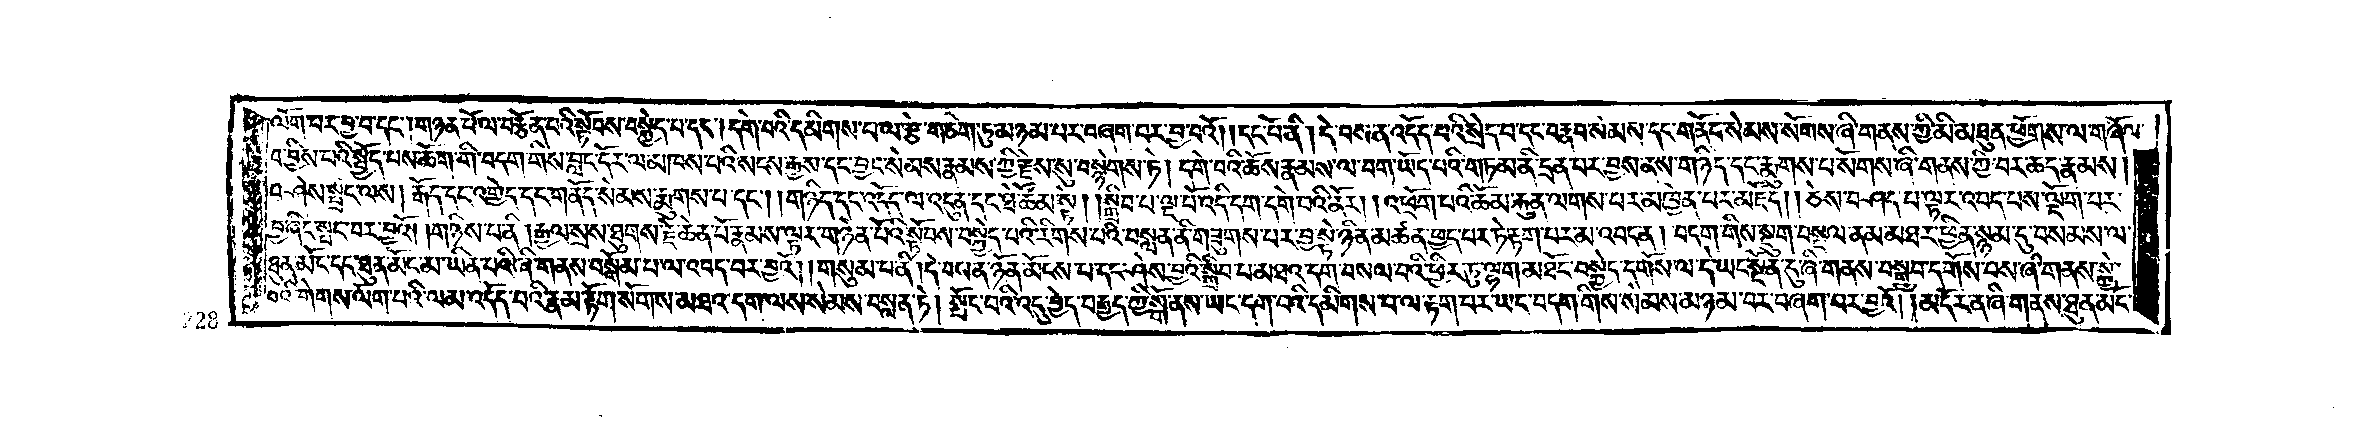ལོག་པར་བྱ་བ་དང་། གཉན་པོ་ལ་བརྩོན་པའི་སྟོབས་བསྐྱེད་པ་དང་། དགེ་བའི་དམིགས་པ་ལ་རྩེ་གཅིག་ཏུ་མཉམ་པར་བཞག་པར་བྱ་བའོ། །དང་པོ་ནི། དེ་བས་ན་འདོད་པའི་སྲེད་པ་དང་བརྣབ་སེམས་དང་གནོད་སེམས་སོགས་ཞི་གནས་ཀྱི་མི་མཐུན་ཕྱོགས་ལ་གཞོལ་
བ་བྱིས་པའི་སྤྱོད་པས་ཆོག་གི་བདག་གིས་བླང་དོར་ལ་མཁས་པའི་སངས་རྒྱས་དང་བྱང་སེམས་རྣམས་ཀྱི་རྗེས་སུ་བསྙེགས་ཏེ། དགེ་བའི་ཆོས་རྣམས་ལ་བག་ཡོད་པའི་གཏམ་ནི་དྲན་པར་བྱས་ནས་གཉིད་དང་རྨུགས་པ་སོགས་ཞི་གནས་ཀྱི་བར་ཆད་རྣམས་
བཤེས་སྤྲིང་ལས། རྒོད་དང་འགྱེད་དང་གནོད་སེམས་རྨུགས་པ་དང་། །གཉིས་དང་འདོད་ལ་འདུན་དང་ཐེ་ཚོམ་སྟེ། །སྒྲིབ་པ་ལྔ་པོ་འདི་དག་དགེ་བའི་ནོར། །འཕྲོག་པའི་ཆོམ་རྐུན་ལགས་པར་མཁྱེན་པར་མཛོད། །ཅེས་བཤད་པ་ལ་ལྟར་འབད་པས་ལྡོག་པར་
བྱ་ཞིང་སྤང་བར་བྱའོ། །གཉིས་པ་ནི། རྒྱལ་སྲས་ཐུགས་རྗེ་ཆེན་པོ་རྣམས་ལྟར་གཉེན་པོའི་སྟོབས་བསྐྱེད་པའི་རིགས་པའི་བསླན་ནི་གཟུགས་པར་བྱ་སྟེ་ཉིན་མཚན་ཕྱད་པར་ཏེ་རྟག་པར་མ་འབད་ན། བདག་གིས་སྡུག་བསྔལ་ནམ་མཐར་ཕྱིན་སྙམ་དུ་བསམས་ལ་
ཐུན་མོང་དང་ཐུན་མོང་མ་ཡིན་པའི་ཞི་གནས་བསྒོམ་པ་ལ་འབད་པར་བྱའོ། །གསུམ་པ་ནི། དེ་བས་ན་ཉོན་མོངས་པ་དང་ཤེས་བྱའི་སྒྲིབ་པ་མཐའ་དག་བསལ་བའི་ཕྱིར་ཏུ་ལྷག་མཐོང་བསྐྱེད་དགོས་ལ་དེ་ཡང་སྔོན་དུ་ཞི་གནས་བསྒྲུབ་དགོས་པས་ཞི་གནས་སྐྱེ་
བའི་གེགས་ལོག་པའི་ལམ་འདོད་པའི་རྣམ་རྟོག་སོགས་མཐའ་དག་ལས་སེམས་བསླན་ཏེ། སྤོང་བའི་འདུ་བྱེད་བརྒྱད་ཀྱི་སྒོ་ནས་ཡང་དག་པའི་དམིགས་པ་ལ་རྟག་པར་ཡང་བདག་གིས་སེམས་མཉམ་པར་བཞག་པར་བྱའོ། །མདོར་ན་ཞི་གནས་ཐུན་མོང་